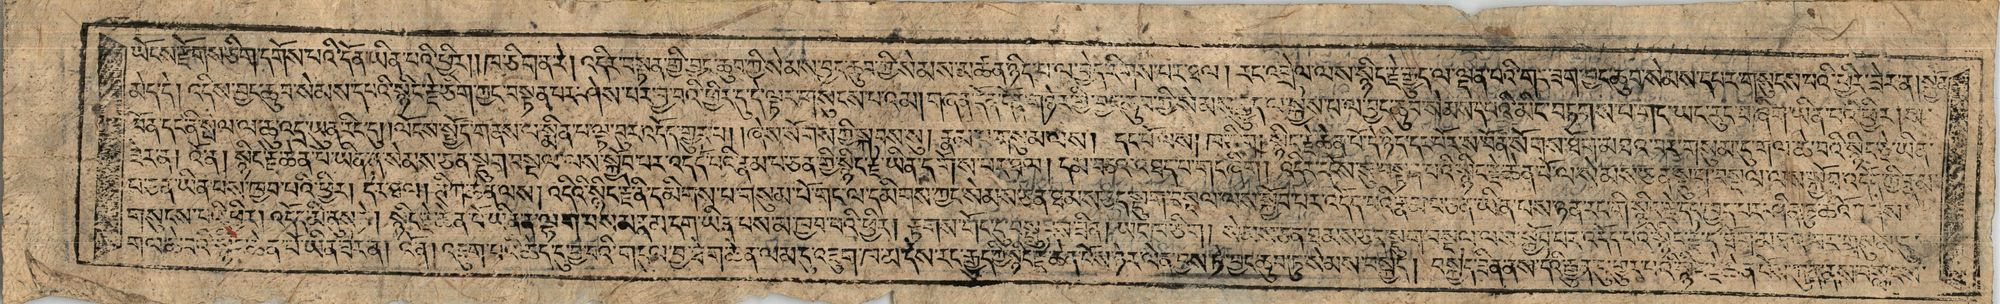ཡོངས་རྫོགས་ཅིག་དགོས་པའི་དོན་ཡིན་པའི་ཕྱིར། །ཁ་ཅིག་ན་རེ། འདིར་བསྟན་གྱི་བྱང་ཆུབ་ཀྱི་སེམས་བྱང་ཆུབ་ཀྱི་སེམས་མཚན་ཉིད་པ་ལ་བྱེད་རིགས་པར་ཐལ། རང་འགྲེལ་ལས་སྙིང་རྗེ་རྒྱུད་ལ་ལྡན་པའི་གང་ཟག་བྱང་ཆུབ་སེམས་དཔར་གསུངས་པའི་ཕྱིར་ཟེར་ན། སྐྱོན་
མེད་དེ། འདིས་བྱང་ཆུབ་སེམས་དཔའི་སྙིང་རྗེ་ཅིག་ཀྱང་བསྟན་པར་ཤེས་པར་བྱ་བའི་ཕྱིར་དུ་དེ་ལྟར་གསུངས་པའམ། གཞན་དོན་དོན་གཉེར་གྱི་བྱང་ཆུབ་ཀྱི་སེམས་རྒྱུད་ལ་སྐྱེས་པ་ལ་བྱང་ཆུབ་སེམས་དཔའི་མིང་བཏགས་པ་གང་ཡང་རུང་བ་ཞིག་ཡིན་པའི་ཕྱིར། ༈ །ས་
བོན་དང་ནི་སྤེལ་ལ་ཆུ་འདྲ་ཡུན་རིང་དུ། །ལོངས་སྤྱོད་གནས་ལ་སྨིན་པ་ལྟ་བུར་འདོད་གྱུར་པ། །ཞེས་སོགས་ཀྱི་སྐབས་སུ། རྣམ་པ་གསུམ་ལས། དང་པོ་ལས། ཁ་ཅིག །སྙིང་རྗེ་ཆེན་པོ་དེ་ཉིད་དང་པོར་ས་བོན་སོགས་ཐོག་མཐའ་བར་གསུམ་དུ་གལ་ཆེ་བའི་སྙིང་རྗེ་ཡིན་
ཟེར་ན། འོ་ན། སྙིང་རྗེ་ཆེན་པོ་ཡིན་ན་སེམས་ཅན་སྡུག་བསྔལ་ལས་སྐྱོབ་པར་འདོད་པའི་རྣམ་པ་ཅན་གྱི་སྙིང་རྗེ་ཡིན་དགོས་པར་ཐལ། དམ་བཅའ་འཐད་པ་གང་ཞིག །འདིར་དངོས་སུ་བསྟན་པའི་སྙིང་རྗེ་ཆེན་པོ་ལ་སེམས་ཅན་སྡུག་བསྔལ་ལས་སྐྱོབ་འདོད་ཀྱི་རྣམ་
པ་ཅན་ཡིན་པས་ཁྱབ་པའི་ཕྱིར། དེར་ཐལ། ཊིཀ་ཆེན་ལས། འདིའི་སྙིང་རྗེ་ནི་དམིགས་པ་གསུམ་པོ་གང་ལ་དམིགས་ཀྱང་སེམས་ཅན་ཐམས་ཅད་སྡུག་བསྔལ་ལས་སྐྱོབ་པར་འདོད་པའི་རྣམ་པ་ཅན་ཡིན་པས་ཉན་རང་གི་སྙིང་རྗེ་དང་ཁྱད་པར་ཤིན་ཏུ་ཆེའོ། །ཞེས་
གསུངས་པའི་ཕྱིར། འདོད་མི་ནུས་ཏེ། སྙིང་རྗེ་ཆེན་པོ་ཡིན་ན་ལྷག་བསམ་རྣམ་དག་ཡིན་པས་མ་ཁྱབ་པའི་ཕྱིར། རྟགས་གོང་དུ་བསྒྲུབས་ཟིན། ཡང་ཁ་ཅིག །སེམས་ཅན་ཐམས་ཅད་སྡུག་བསྔལ་ལས་སྐྱོབ་པར་འདོད་པའི་སྙིང་རྗེ་དེ་ཐོག་མཐའ་བར་གསུམ་དུ་
གལ་ཆེ་བའི་སྙིང་རྗེ་ཆེན་པོ་ཡིན་ཟེར་ན། འོ་ན། འཇུག་པའི་ཆེད་དུ་བྱ་བའི་གདུལ་བྱ་ཐེག་ཆེན་ལམ་དུ་འཇུག་ཁ་མ་དེས་རང་རྒྱུད་ཀྱི་སྙིང་རྗེ་ཆེན་པོས་ཉེར་ལེན་བྱས་ཏེ་བྱང་ཆུབ་ཏུ་སེམས་བསྐྱེད། བསྐྱེད་ཟིན་ནས་དེའི་རྒྱུན་དུ་གྱུར་པའི་སྙིང་རྗེ་ཆེན་པོས་ཀུན་ནས་བསླངས་